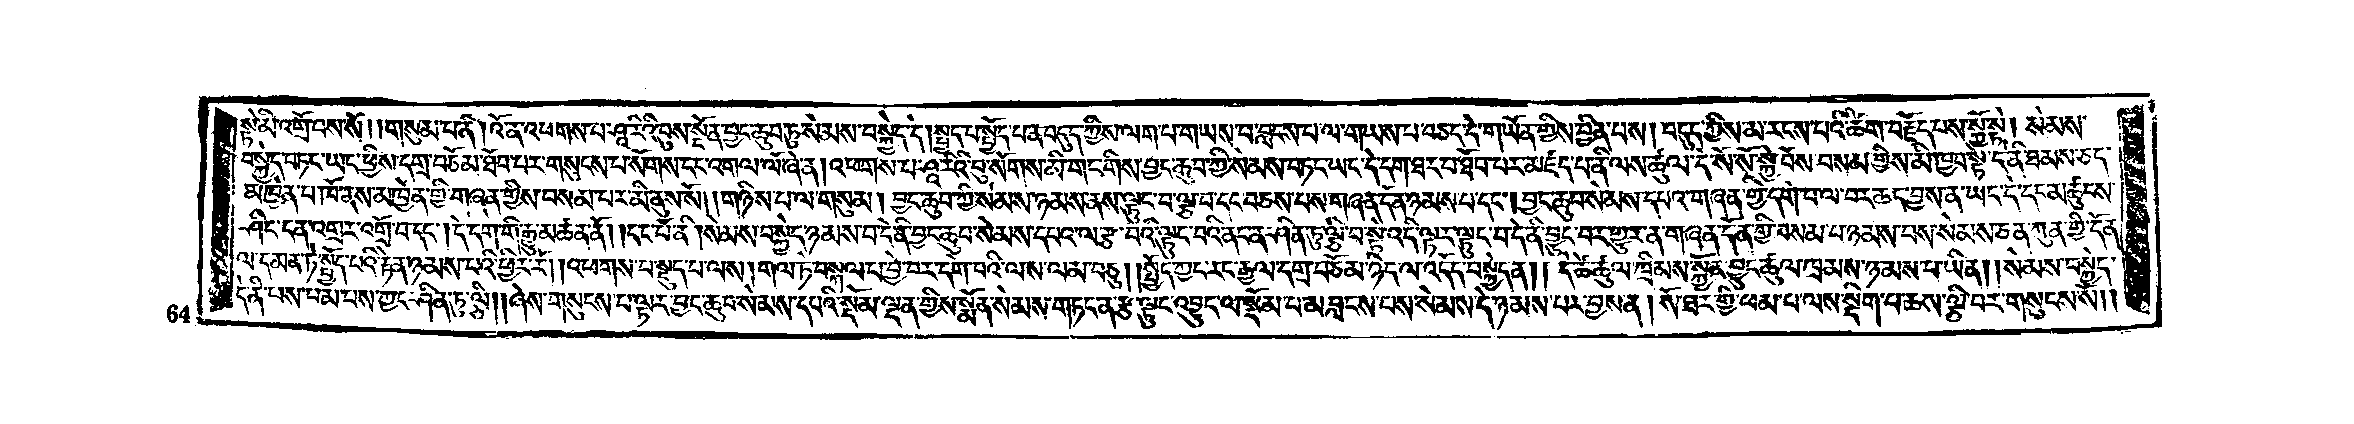སྟེ་མི་འགྲོ་བས་སོ། །གསུམ་པ་ནི། འོ་ན་འཕགས་པ་ཤཱ་རིའི་བུས་སྔོན་བྱང་ཆུབ་ཏུ་སེམས་བསྐྱེད་དེ། སྤྱད་པ་སྤྱོད་པ་ན་བདུད་ཀྱིས་ལག་པ་གཡས་པ་བླངས་པ་ལ་གཡས་པ་བཅད་དེ་གཡོན་གྱིས་བྱིན་པས། བདུད་ཀྱིས་མ་རྣམས་པའི་ཚིག་བརྗོད་པས་སྐྱོ་སྟེ། སེམས་
བསྐྱེད་བཏང་ཡང་ཕྱིས་དགྲ་བཅོམ་ཐོབ་པར་གསུངས་པ་སོགས་དང་འགལ་ལོ་ཞེ་ན། འཕགས་པ་ཤཱ་རིའི་བུ་སོགས་མི་གང་གིས་བྱང་ཆུབ་ཀྱི་སེམས་བཏང་ཡང་དེ་དག་ཐར་པ་ཐོབ་པར་མཛད་པ་ནི་ལས་ཚུལ་དེ་སོ་སོ་སྐྱེ་བོས་བསམ་གྱིས་མི་ཁྱབ་སྟེ་དེ་ནི་ཐམས་ཅད་
མཁྱེན་པ་ཁོ་ནས་མཁྱེན་གྱི་གཞན་གྱིས་བསམ་པར་མི་ནུས་སོ། །གཉིས་པ་ལ་གསུམ། བྱང་ཆུབ་ཀྱི་སེམས་ཉམས་ནས་ལྟུང་བ་ལ་བ་དང་བཅས་པས་གཞན་དོན་ཉམས་པ་དང་། བྱང་ཆུབ་སེམས་དཔའ་གཞན་གྱི་དགེ་བ་ལ་བར་ཆད་བྱས་ན་ཡང་དེ་དང་མཚུངས་
ཤིང་ངན་འགྲོར་འགྲོ་བ་དང་། དེ་དག་གི་རྒྱུ་མཚན་ནོ། །དང་པོ་ནི། སེམས་བསྐྱེད་ཉམས་པ་དེ་ནི་བྱང་ཆུབ་སེམས་དཔའ་ལ་རྩ་བའི་ལྟུང་བའི་ནང་ན་ཤིན་ཏུ་ལྕི་བ་སྟེ་འདི་ལྟར་ལྟུང་བ་དེ་ནི་བྱུང་བར་གྱུར་བ་གཞན་དོན་གྱི་བསམ་པ་ཉམས་པས་སེམས་ཅན་ཀུན་གྱི་དོན་
ལ་དམན་ཏེ་སྤྱོད་པའི་རྟེན་ཉམས་པའི་ཕྱིར་རོ། །འཕགས་པ་སྡུད་པ་ལས། གལ་ཏེ་བསྐལ་པ་བྱེ་བར་དགེ་བའི་ལས་ལམ་བཅུ། །སྤྱོད་ཀྱང་རང་རྒྱལ་དགྲ་བཅོམ་ཉིད་ལ་འདོད་པ་སྐྱེད་ན། །དེ་ཚེ་ཚུལ་ཁྲིམས་སྐྱོན་བྱུང་ཚུལ་ཁྲིམས་ཉམས་པ་ཡིན། །སེམས་བསྐྱེད་
དེ་ནི་པས་པ་མ་པས་ཀྱང་ཤིན་ཏུ་ལྕི། །ཞེ་གསུངས་པ་ལྟར་བྱང་ཆུབ་སེམས་དཔའི་སྡོམ་ལྡན་གྱིས་སྨོན་སེམས་གཏང་ན་རྩ་ལྟུང་འབྱུང་ལ་སྡོམ་པ་མ་བླངས་པས་སེམས་དེ་ཉམ་པར་བྱས་ན། སོ་ཐར་གྱི་ཕམ་པ་ལས་སྡིག་པ་ཆས་ལྕི་བར་གསུངས་སོ། །